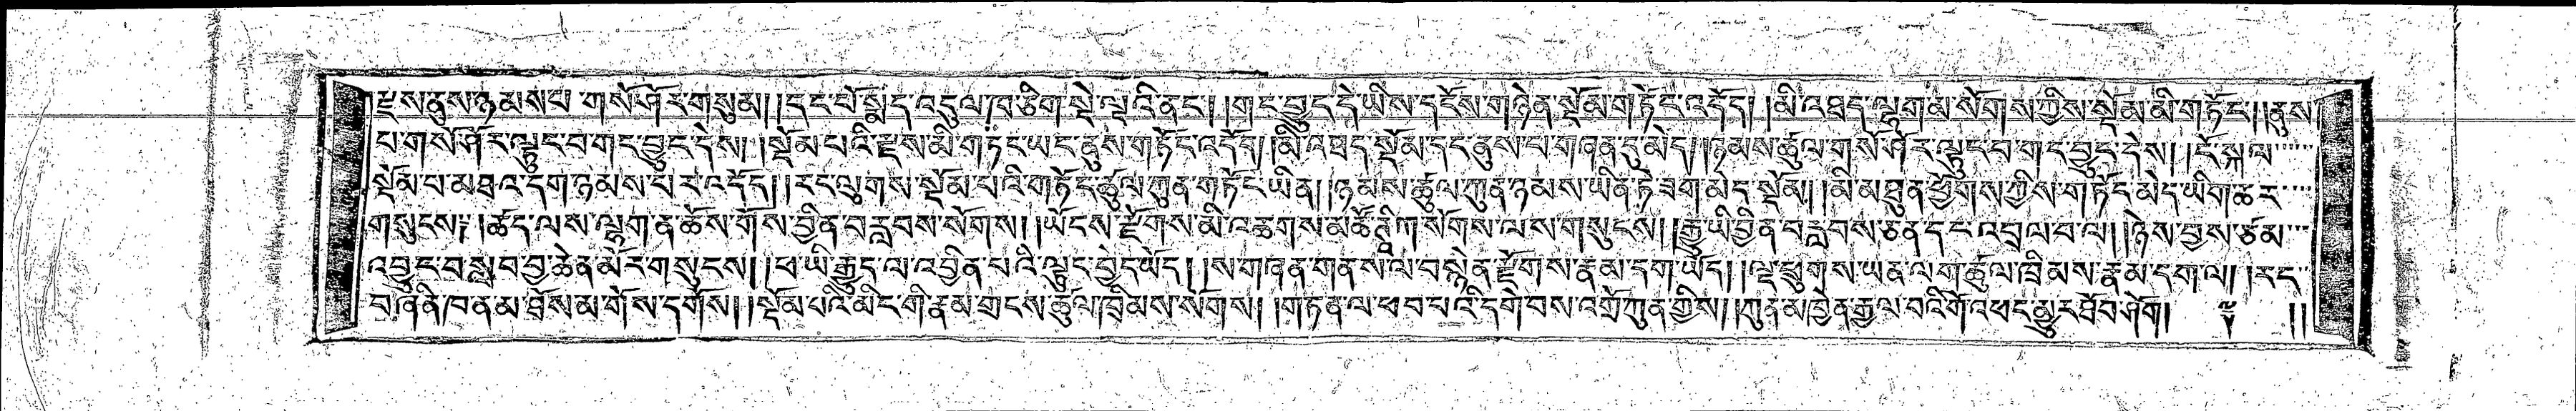རྫས་ནུས་ཉམས་པ་གསོ་ཤོར་གསུམ། །དང་པོ་སྨད་འདུལ་ཁ་ཅིག་སྡེ་ལྔའི་ནང་། །གང་བྱུང་དེ་ཡིས་དངོས་གཉེན་སྔོམ་གཏོང་འདོད། །མི་འཐད་ལྷག་མ་སོགས་ཀྱིས་སྡོམ་མི་གཏོང་། །ནུས་
པ་གསོ་ཤོར་ལྟུང་བ་གང་བྱུང་དེས། །སྡོམ་པའི་རྫས་མི་གཏང་ཡང་ནུས་གཏོང་འདོད། །མི་འཐད་སྡོམ་དང་ནུས་པ་གཞན་དུ་མེད། །ཉམས་ཚུལ་གསོ་ཤོར་ལྟུང་བ་གང་བྱུང་དེས། །ངོ་སྐལ་
སྡོམ་པ་མཐའ་དག་ཉམས་པར་འདོད། །རང་ལུགས་སྡོམ་པའི་གཏོང་ཚུལ་ཀུན་གཏོང་ཡིན། །ཉམས་ཚུལ་ཀུན་ཉམས་ཡིན་ཏེ་ཟག་མེད་སྡོམ། །མི་མཐུན་ཕྱོགས་ཀྱིས་གཏོང་མེད་ཡིག་ཆར་
གསུངས༑ །ཚད་ལས་ལྷག་ན་ཆོས་གོས་བྱིན་བརླབས་སོགས། །ཡོངས་རྫོགས་མི་འཆགས་མཚོ་ཊཱིཀ་སོགས་ལས་གསུངས། །རྒྱུ་ཡི་བྱིན་བརླབས་ཅན་དང་འབྲལ་བ་ལ། །ཉེས་བྱས་ཙམ་
འབྱུང་བསླབ་བྱ་ཆེན་མོར་གསུངས། །ཕ་ཡི་རྒྱུད་ལ་འབྱིན་པའི་ལྟུང་བྱེད་ཡོད། །ས་གཞན་གནས་ལ་བསྙེན་རྫོགས་རྣམ་དག་ཡོད། །ལྔ་ཕྲུགས་ཡན་ལག་ཚུལ་ཁྲིམས་རྣམ་དག་ལ། །རང་
བཞིན་ཁ་ན་མ་ཐོས་མ་གོས་དགོས། །སྡོམ་པའི་མིང་གི་རྣམ་གྲངས་ཚུལ་ཁྲིམས་སོགས། །གཏན་ལ་ཕབ་པའི་དགེ་བས་འགྲོ་ཀུན་གྱིས། །ཀུན་མཁྱེན་རྒྱལ་བའི་གོ་འཕང་མྱུར་ཐོབ་ཤོག། ༈ ། །